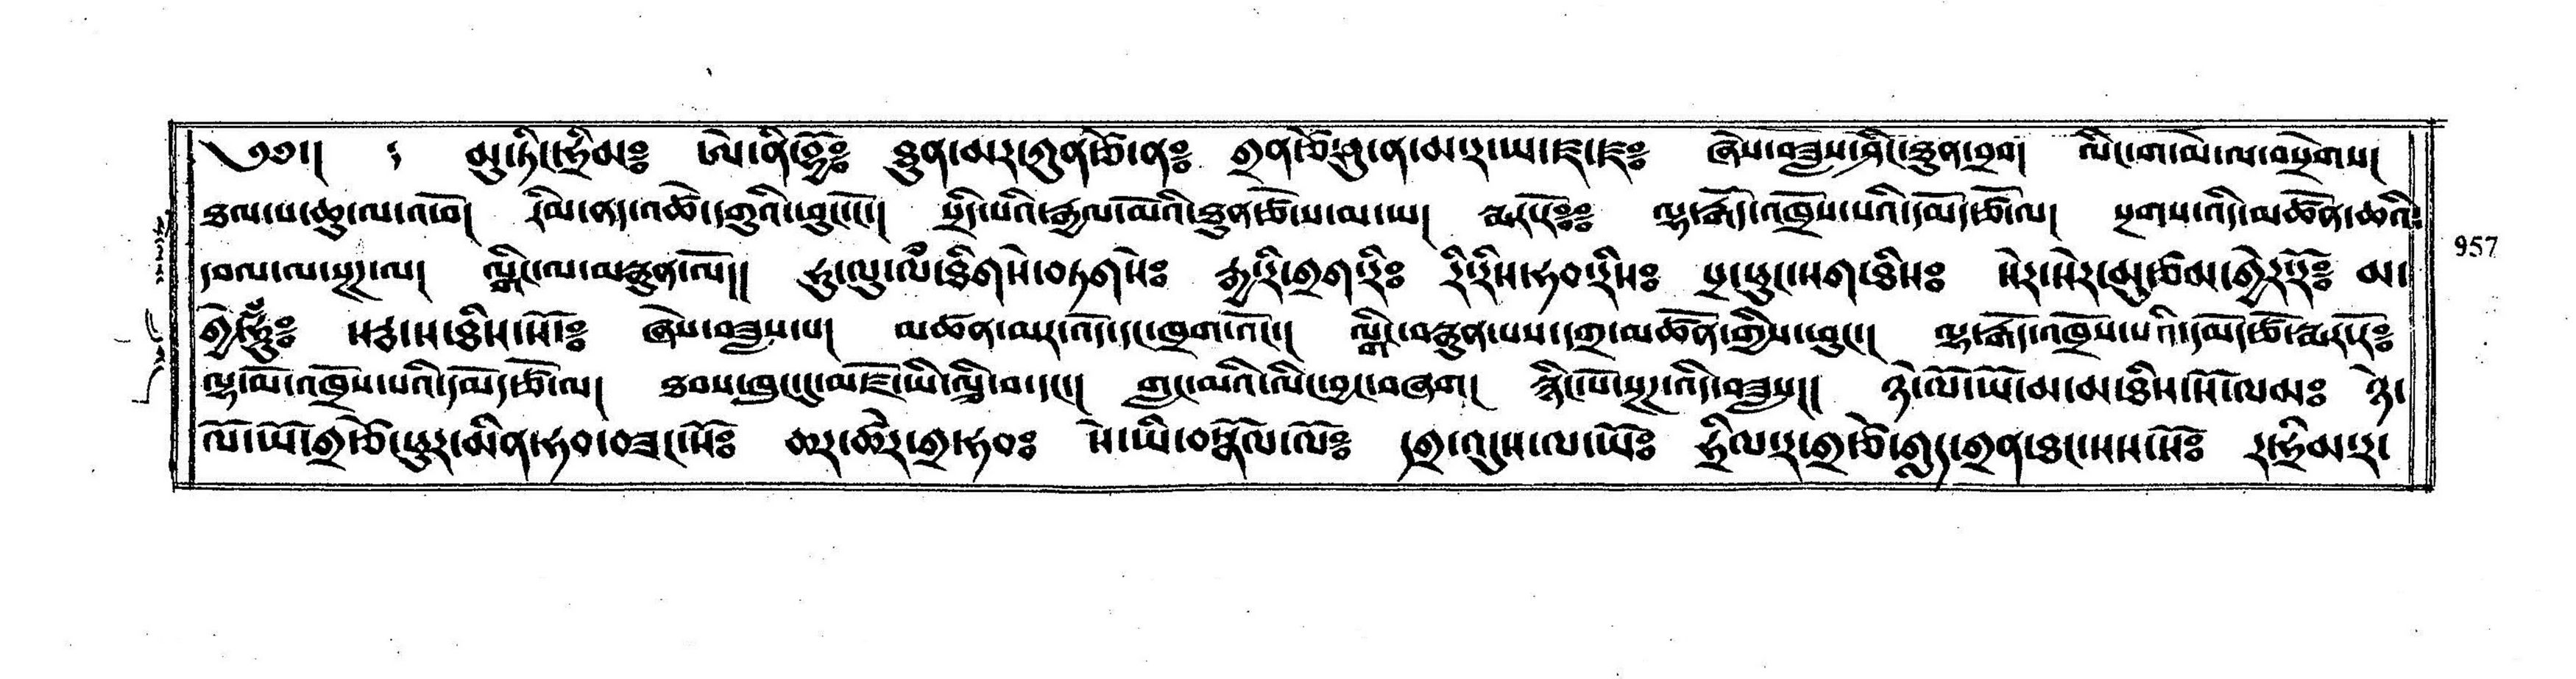མུ་ཏིང་ཧྲིམ༔ ཨེ་ནི་བྷྱོ༔ ཐུན་མར་ཀུན་ཙེ་ན༔ གྲན་ཙེ་ཤུ་ན་མ་ར་ཡ་ཛ་ཛ༔ ཞེས་བཟླས་ཤིང་ཐུན་བྲབ། ལིང་ག་མེ་ལ་བསྲེགས། 
ཐལ་བ་ཆུ་ལ་འཕོ། རིམ་ནད་འཚེ་དགུའི་ཕུང་ངོ་། སྲིད་པའི་རྒྱལ་མོའི་ཐུན་ཙོ་ས་མ་ཡ། སྨར་རོ༔༔ ལྷ་རྒོད་འཁྲོས་པའི་དམོད་ཙོ་ལ། སྔགས་འདི་མཚོན་ཆའི་
དབལ་ལ་སྔགས་ལ། ལྒིང་ལ་བསྣུན་ལོ།། ཧུ་ལུ་ལཾ་ཐིགསེ་བཏགསེཿ རྒྱ་རི་གྲག་རིཿ རི་རིས་ཧབ་རིསཿ པྲ་ཕུང་སག་ཐིསཿ སེར་སེར་མུ་ཙམ་གྱེར་རོ༔ མ་
གྱེ་ཧཱུྃ༔ སརྦ་ས་ཐིས་སོ༔ ཞེས་བཟླས་པ། མཚན་མར་འོད་དང་ཁྲག་འོང་། ལྒིང་བསྣུན་པས་དགྲ་མཚོན་གྱིས་ཕུང་། ལྷ་རྒོད་འཁྲོས་པའི་དམོད་ཙོ་སྨར་རོ༔ 
ལྷ་མོ་འཁྲོས་པའི་དམོད་ཙོ་ལ། ཐབས་ཁུང་དུ་མཛོ་ཡི་ལྕི་བ་དང་། གླང་མའི་ལིང་བྱང་བཞག སྙིང་པོ་སྔགས་འདི་བཟླས།། ཉེ་ལོ་ཡོ་མ་མ་ཐིས་སོ་ལམཿ ཉེ་
ལོ་ཡོ་གྲ་ཙེ་ཕུར་མིན་ཧབ་བཟང་སོཿ ཆར་ཚེར་གྲ་ཧབཿ སེ་ཡི་བསྣོལ་ལོ༔ དགྲ་འདུས་ལ་ཡོཿ ཧྲིལ་ར་གྲ་ཙེ་གླད་གྲན་ཐང་སས་སོཿ ར་ཧྲིམ་ར་